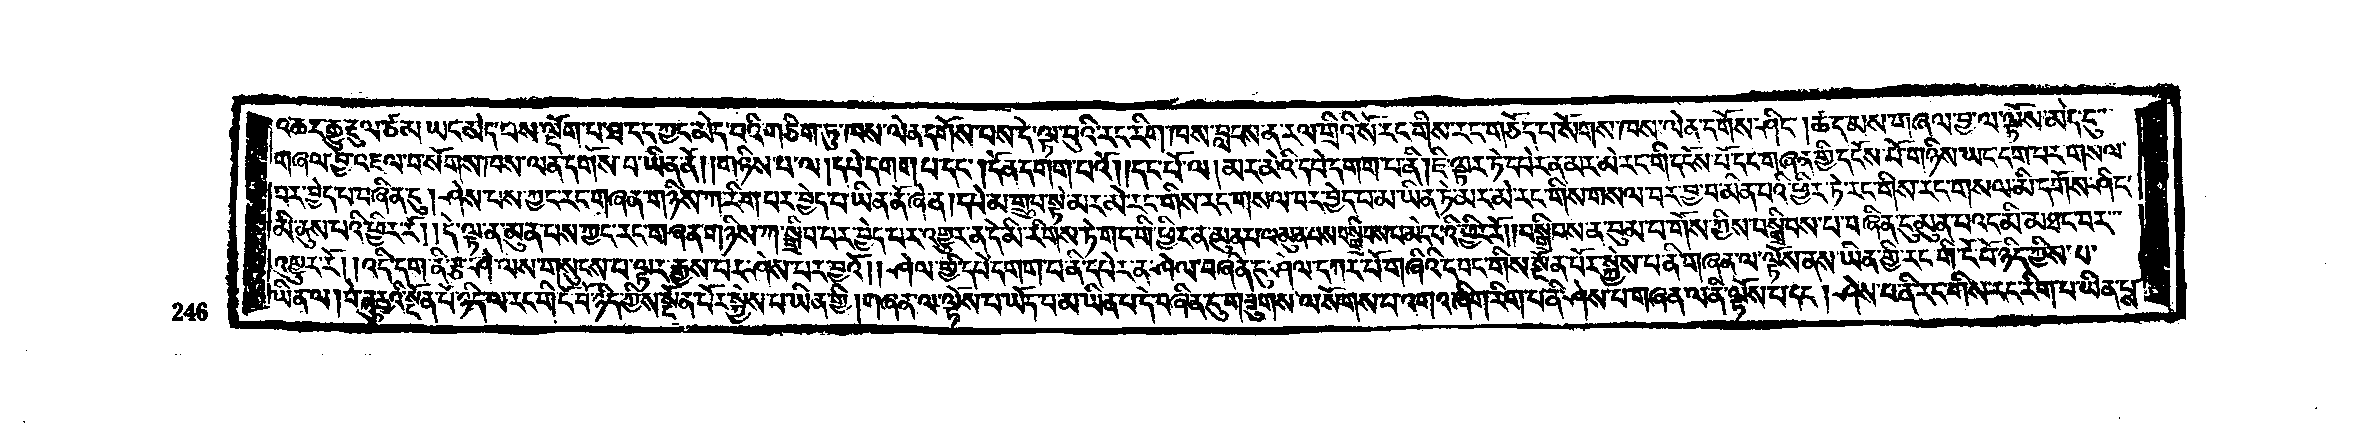འཆར་རྒྱུ་རྡུལ་ཙམ་ཡང་མེད་པས་ལྡོག་པ་ཐ་དད་ཀྱང་མེད་པའི་གཅིག་ཏུ་ཁས་ལེན་དགོས་པས་དེ་ལྟ་བུའི་རང་རིག་ཀས་བླངས་ན་རལ་གྲིའི་སོ་རང་གིས་རང་གཅོད་པ་སོགས་ཁས་ལེན་དགོས་ཤིང་། ཚད་མས་གཞལ་བྱ་ལ་ལྟོས་མེད་དུ་
གཞལ་བྱ་འཇལ་བ་སོགས་ཁས་ལེན་དགོས་པ་ཡིན་ནོ། །གཉིས་པ་ལ། དཔེ་དགག་པ་དང་། དོན་དགག་པའོ། །དང་པོ་ལ། མར་མེའི་དཔེ་དགག་པ་ནི། ཇི་ལྟར་ཏེ་དཔེར་ན་མར་མེ་རང་གི་དངོས་པོ་དང་གཞན་གྱི་དངོས་པོ་གཉིས་ཡང་དག་པར་གསལ་
བར་བྱེད་པ་བཞིན་དུ། ཤེས་པས་ཀྱང་རང་གཞན་གཉིས་ཀ་རིག་པར་བྱེད་པ་ཡིན་ནོ་ཞེ་ན། དཔེ་མ་གྲུབ་སྟེ་མར་མེ་རང་གིས་རང་གསལ་བར་བྱེད་པ་མ་ཡིན་ཏེ་མར་མེ་རང་གིས་གསལ་བར་བྱ་བ་མིན་པའི་ཕྱིར་ཏེ་རང་གིས་རང་གསལ་མི་དགོས་ཤིང་
མི་ནུས་པའི་ཕྱིར་རོ། །དེ་ལྟ་ན་མུན་པས་ཀྱང་རང་གཞན་གཉིས་ཀ་སྒྲིབ་པར་བྱེད་པར་འགྱུར་ན་དེ་མི་རིགས་ཏེ་གང་གི་ཕྱིར་ན་མུན་པ་ལ་མུན་པས་བསྒྲིབས་པ་མེད་པའི་ཕྱིར་རོ། །བསྒྲིབས་ན་བུམ་པ་གོས་ཀྱིས་བསྒྲིབས་པ་བཞིན་དུ་མུན་པའང་མི་མཐང་བར་
འགྱུར་རོ། །འདི་དག་ནི་རྩ་ཤེ་ལས་གསུངས་པ་ལྟར་རྒྱས་པར་ཤེས་པར་བྱའོ། །ཤེལ་གྱི་དཔེ་དགག་པ་ནི་དཔེར་ན་ཤེལ་བཞིན་དུ་ཤེལ་དཀར་པོ་གཞིའི་དབང་གིས་སྔོན་པོར་སྐྱེས་པ་ནི་གཞན་ལ་ལྟོས་ནས་ཡིན་གྱི་རང་གི་ངོ་བོ་ཉིད་ཀྱིས་པ་
ཡིན་ལ། བཻ་ཌཱུ་རྱའི་སྔོན་པོ་ཉིད་ལ་རང་གི་ངོ་བོ་ཉིད་ཀྱིས་སྔོན་པོར་སྐྱེས་པ་ཡིན་གྱི་།གཞན་ལ་ལྟོས་པ་ཡོད་པ་མ་ཡིན་པ་དེ་བཞིན་དུ་གཟུགས་ལ་སོགས་པ་འགའ་ཞིག་རིག་པ་ནི་ཤེས་པ་གཞན་ལ་ནི་ལྟོས་པས་དང་། ཤེས་པ་ནི་རང་གིས་རང་རིག་པ་ཡིན་པས་